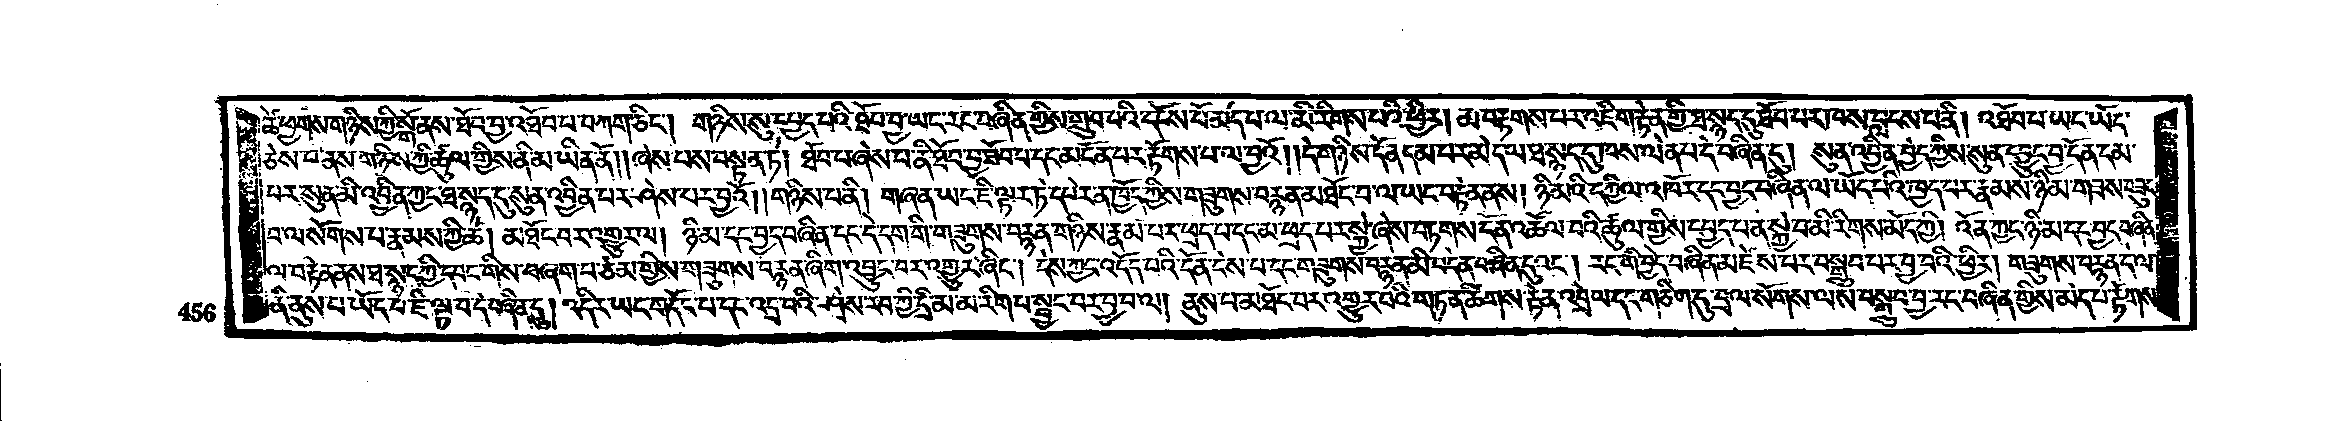ཚེ་ཕྱོགས་གཉིས་ཀྱི་སྒོ་ནས་ཐོབ་བྱ་འཐོབ་པ་བཀག་ཅིང་། གཉིས་སུ་དཔྱད་པའི་ཐོབ་བྱ་ཡང་རང་བཞིན་གྱིས་གྲུབ་པའི་དངོས་པོ་མེད་པ་ལ་མི་རིགས་པའི་ཕྱིར། མ་བརྟགས་པར་འཇིག་རྟེན་གྱི་ཐ་སྙད་དུ་ཐོབ་པར་ཁས་བླངས་པ་ནི། འཐོབ་པ་ཡང་ཡོད་
ཅེས་པ་ནས་གཉིས་ཀྱི་ཚུལ་གྱིས་ནི་མ་ཡིན་ནོ། །ཞེས་པས་བསྟན་ཏེ། ཐོབ་པ་ཞེས་པ་ནི་ཐོབ་བྱ་ཐོབ་པ་དང་མངོན་པར་རྟོགས་པ་ལ་བྱའོ། །དེ་གཉིས་དོན་དམ་པར་མེད་པ་ཐ་སྙད་དུ་ཁས་ལེན་པ་དེ་བཞིན་དུ། སུན་འབྱིན་བྱེད་ཀྱིས་སུན་དབྱུང་བྱ་དོན་དམ་
པར་སུན་མི་འབྱིན་ཀྱང་ཐ་སྙད་དུ་སུན་འབྱིན་པར་ཤེས་པར་བྱའོ། །གཉིས་པ་ནི། གཞན་ཡང་ཇི་ལྟར་ཏེ་དཔེར་ན་ཁྱོད་ཀྱིས་གཟུགས་བརྙན་མཐོང་བ་ལ་ཡང་བརྟེན་ནས། ཉི་མའི་དཀྱིལ་འཁོར་དང་བྱད་བཞིན་ལ་ཡོད་པའི་ཁྱད་པར་རྣམས་ཉི་མ་གཟས་བཟུང་
བ་ལ་སོགས་པ་རྣམས་ཀྱི་ཚེ། མཐོང་བར་འགྱུར་ལ། ཉི་མ་དང་བྱད་བཞིན་དང་དེ་དག་གི་གཟུགས་བརྙན་གཉིས་རྣམ་པར་ཕྲད་པ་དང་མ་ཕྲད་པར་སྐྱེ་ཞེས་བཏགས་དོན་འཚོལ་བའི་ཚུལ་གྱིས་དཔྱད་པ་ན་སྐྱེ་བ་མི་རིགས་མོད་ཀྱི། འོན་ཀྱང་ཉི་མ་དང་བྱད་བཞིན་
ལ་བརྟེན་ནས་ཐ་སྙད་ཀྱི་དབང་གིས་བཞག་པ་ཙམ་གྱིས་གཟུགས་བརྙན་ཞིག་འབྱུང་བར་འགྱུར་ཞིང་། དེས་ཀྱང་འདོད་པའི་དོན་ངེས་པ་དང་གཟུགས་བརྙན་མི་བདེན་བཞིན་དུའང་། རང་གི་བྱད་བཞིན་མཛེས་པར་བསྒྲུབ་པར་བྱ་བའི་ཕྱིར། གཟུགས་བརྙན་དེ་ལ་
ནི་ནུས་པ་ཡོད་པ་ཇི་ལྟ་བ་དེ་བཞིན་དུ། འདིར་ཡང་གདོང་པ་དང་འདྲ་བའི་ཤེས་རབ་ཀྱི་དྲི་མ་མ་རིག་པ་སྦྱང་བར་བྱ་བ་ལ། ནུས་པ་མཐོང་བར་འགྱུར་བའི་གཏན་ཚིགས་རྟེན་འབྲེལ་དང་གཅིག་དུ་བྲལ་སོགས་ལས་བསྒྲུབ་བྱ་རང་བཞིན་གྱིས་མེད་པ་རྟོགས་